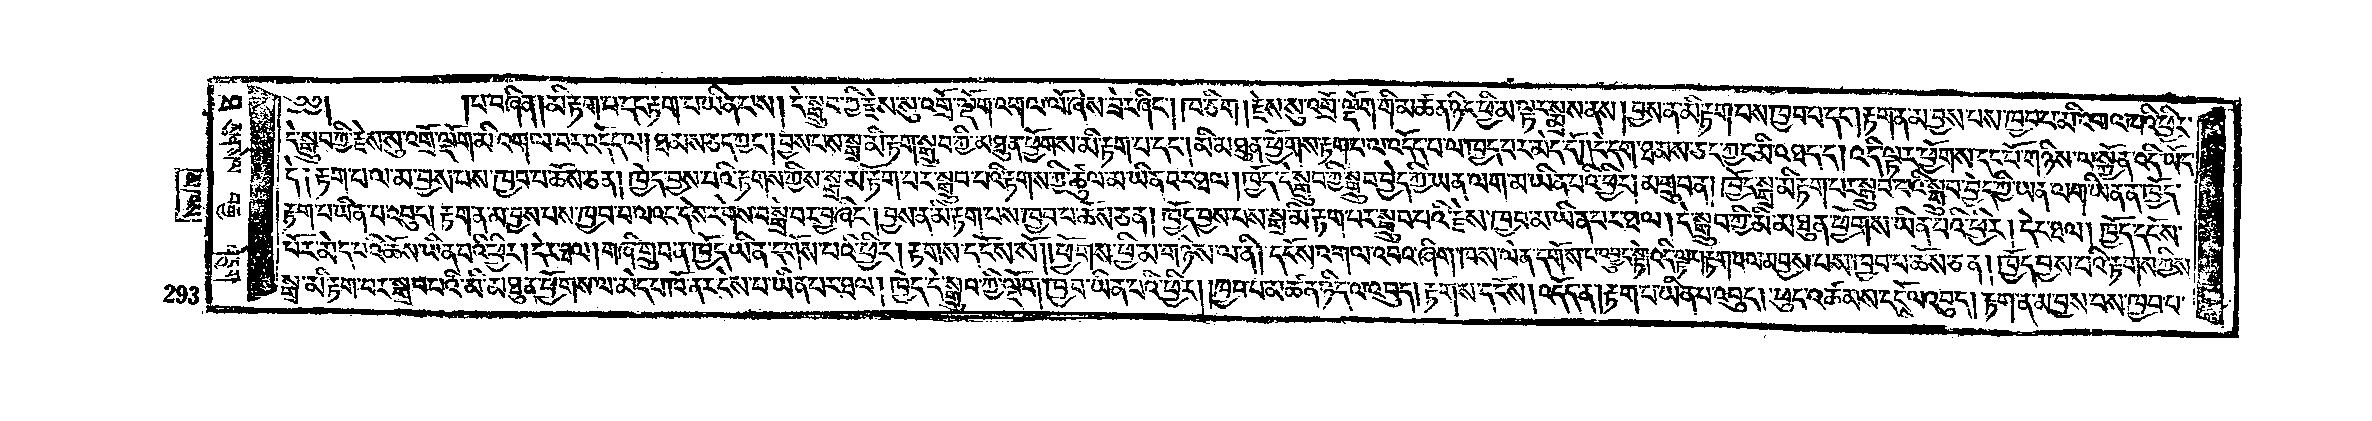༄༅། །པ་བཞིན། མི་རྟག་པ་དང་རྟག་པ་ཡིན་པས། དེ་སྒྲུབ་ཀྱི་རྗེས་སུ་འགྲོ་ལྡོག་འགལ་ལོ་ཞེས་ཟེར་ཞིང་། ཁ་ཅིག །རྗེས་སུ་འགྲོ་ལྡོག་གི་མཚན་ཉིད་ཕྱི་མ་ལྟར་སྨྲས་ནས། བྱས་ན་མི་རྟག་པས་ཁྱབ་པ་དང་། རྟག་ན་མ་བྱས་པས་ཁྱབ་པ་མི་འགལ་བའི་ཕྱིར་
དེ་སྒྲུབ་ཀྱི་རྗེས་སུ་འགྲོ་ལྡོག་མི་འགལ་བར་འདོད་ལ། ཐམས་ཅད་ཀྱང་། བྱས་པས་སྒྲ་མི་རྟག་སྒྲུབ་ཀྱི་མཐུན་ཕྱོགས་མི་རྟག་པ་དང་། མི་མཐུན་ཕྱོགས་རྟག་པ་ལ་འདོད་པ་ལ་ཁྱད་པར་མེད་དོ། །དེ་དག་ཐམས་ཅད་ཀྱང་མི་འཐད་དེ། འདི་ལྟར་ཕྱོགས་དང་པོ་གཉིས་ལ་སྐྱོན་འདི་ཡོད་
དེ༑ རྟག་པ་ལ་མ་བྱས་པས་ཁྱབ་པ་ཆོས་ཅན། ཁྱོད་བྱས་པའི་རྟགས་ཀྱིས་སྒྲ་མི་རྟག་པར་སྒྲུབ་པའི་རྟགས་ཀྱི་ཚུལ་མ་ཡིན་པར་ཐལ། ཁྱོད་དེ་སྒྲུབ་ཀྱི་སྒྲུབ་བྱེད་ཀྱི་ཡན་ལག་མ་ཡིན་པའི་ཕྱིར། མ་གྲུབ་ན། ཁྱོད་སྒྲ་མི་རྟག་པར་སྒྲུབ་པའི་སྒྲུབ་བྱེད་ཀྱི་ཡན་ལག་ཡིན་ན་ཁྱོད་
རྟག་པ་ཡིན་པ་འབུད། རྟག་ན་མ་བྱས་པས་ཁྱབ་པ་ལའང་དེས་རིགས་བསྒྲེ་བར་བྱ་ཞིང་། བྱས་ན་མི་རྟག་པས་ཁྱབ་པ་ཆོས་ཅན། ཁྱོད་བྱས་པས་སྒྲ་མི་རྟག་པར་སྒྲུབ་པའི་རྗེས་ཁྱབ་མ་ཡིན་པར་ཐལ། དེ་སྒྲུབ་ཀྱི་མི་མཐུན་ཕྱོགས་ཡིན་པའི་ཕྱིར། དེར་ཐལ། ཁྱོད་དངོས་
པོར་མེད་པའི་ཆོས་ཡིན་པའི་ཕྱིར། དེར་ཐལ། གཞི་གྲུབ་ན་ཁྱོད་ཡིན་དགོས་པའི་ཕྱིར། རྟགས་དངོས་སོ། །ཕྱོགས་ཕྱི་མ་གཉིས་ལ་ནི། དངོས་འགལ་འབའ་ཞིག་ཁས་ལེན་དགོས་པ་འབྱུང་སྟེ། འདི་ལྟར། རྟག་པ་ལ་མ་བྱས་པས་ཁྱབ་པ་ཆོས་ཅན། ཁྱོད་བྱས་པའི་རྟགས་ཀྱིས་
སྒྲ་མི་རྟག་པར་སྒྲུབ་པའི་མི་མཐུན་ཕྱོགས་ལ་མེད་པ་ཁོ་ནར་ངེས་པ་ཡིན་པར་ཐལ། ཁྱོད་དེ་སྒྲུབ་ཀྱི་ལྡོག་ཁྱབ་ཡིན་པའི་ཕྱིར། །ཁྱབ་པ་མཚན་ཉིད་ལ་འབུད། རྟགས་དངོས། འདོད་ན། རྟག་པ་ཡིན་པ་འབུད། ཕུང་འཚམས་དངོས་ལ་འབུད། རྟག་ན་མ་བྱས་པས་ཁྱབ་པ་